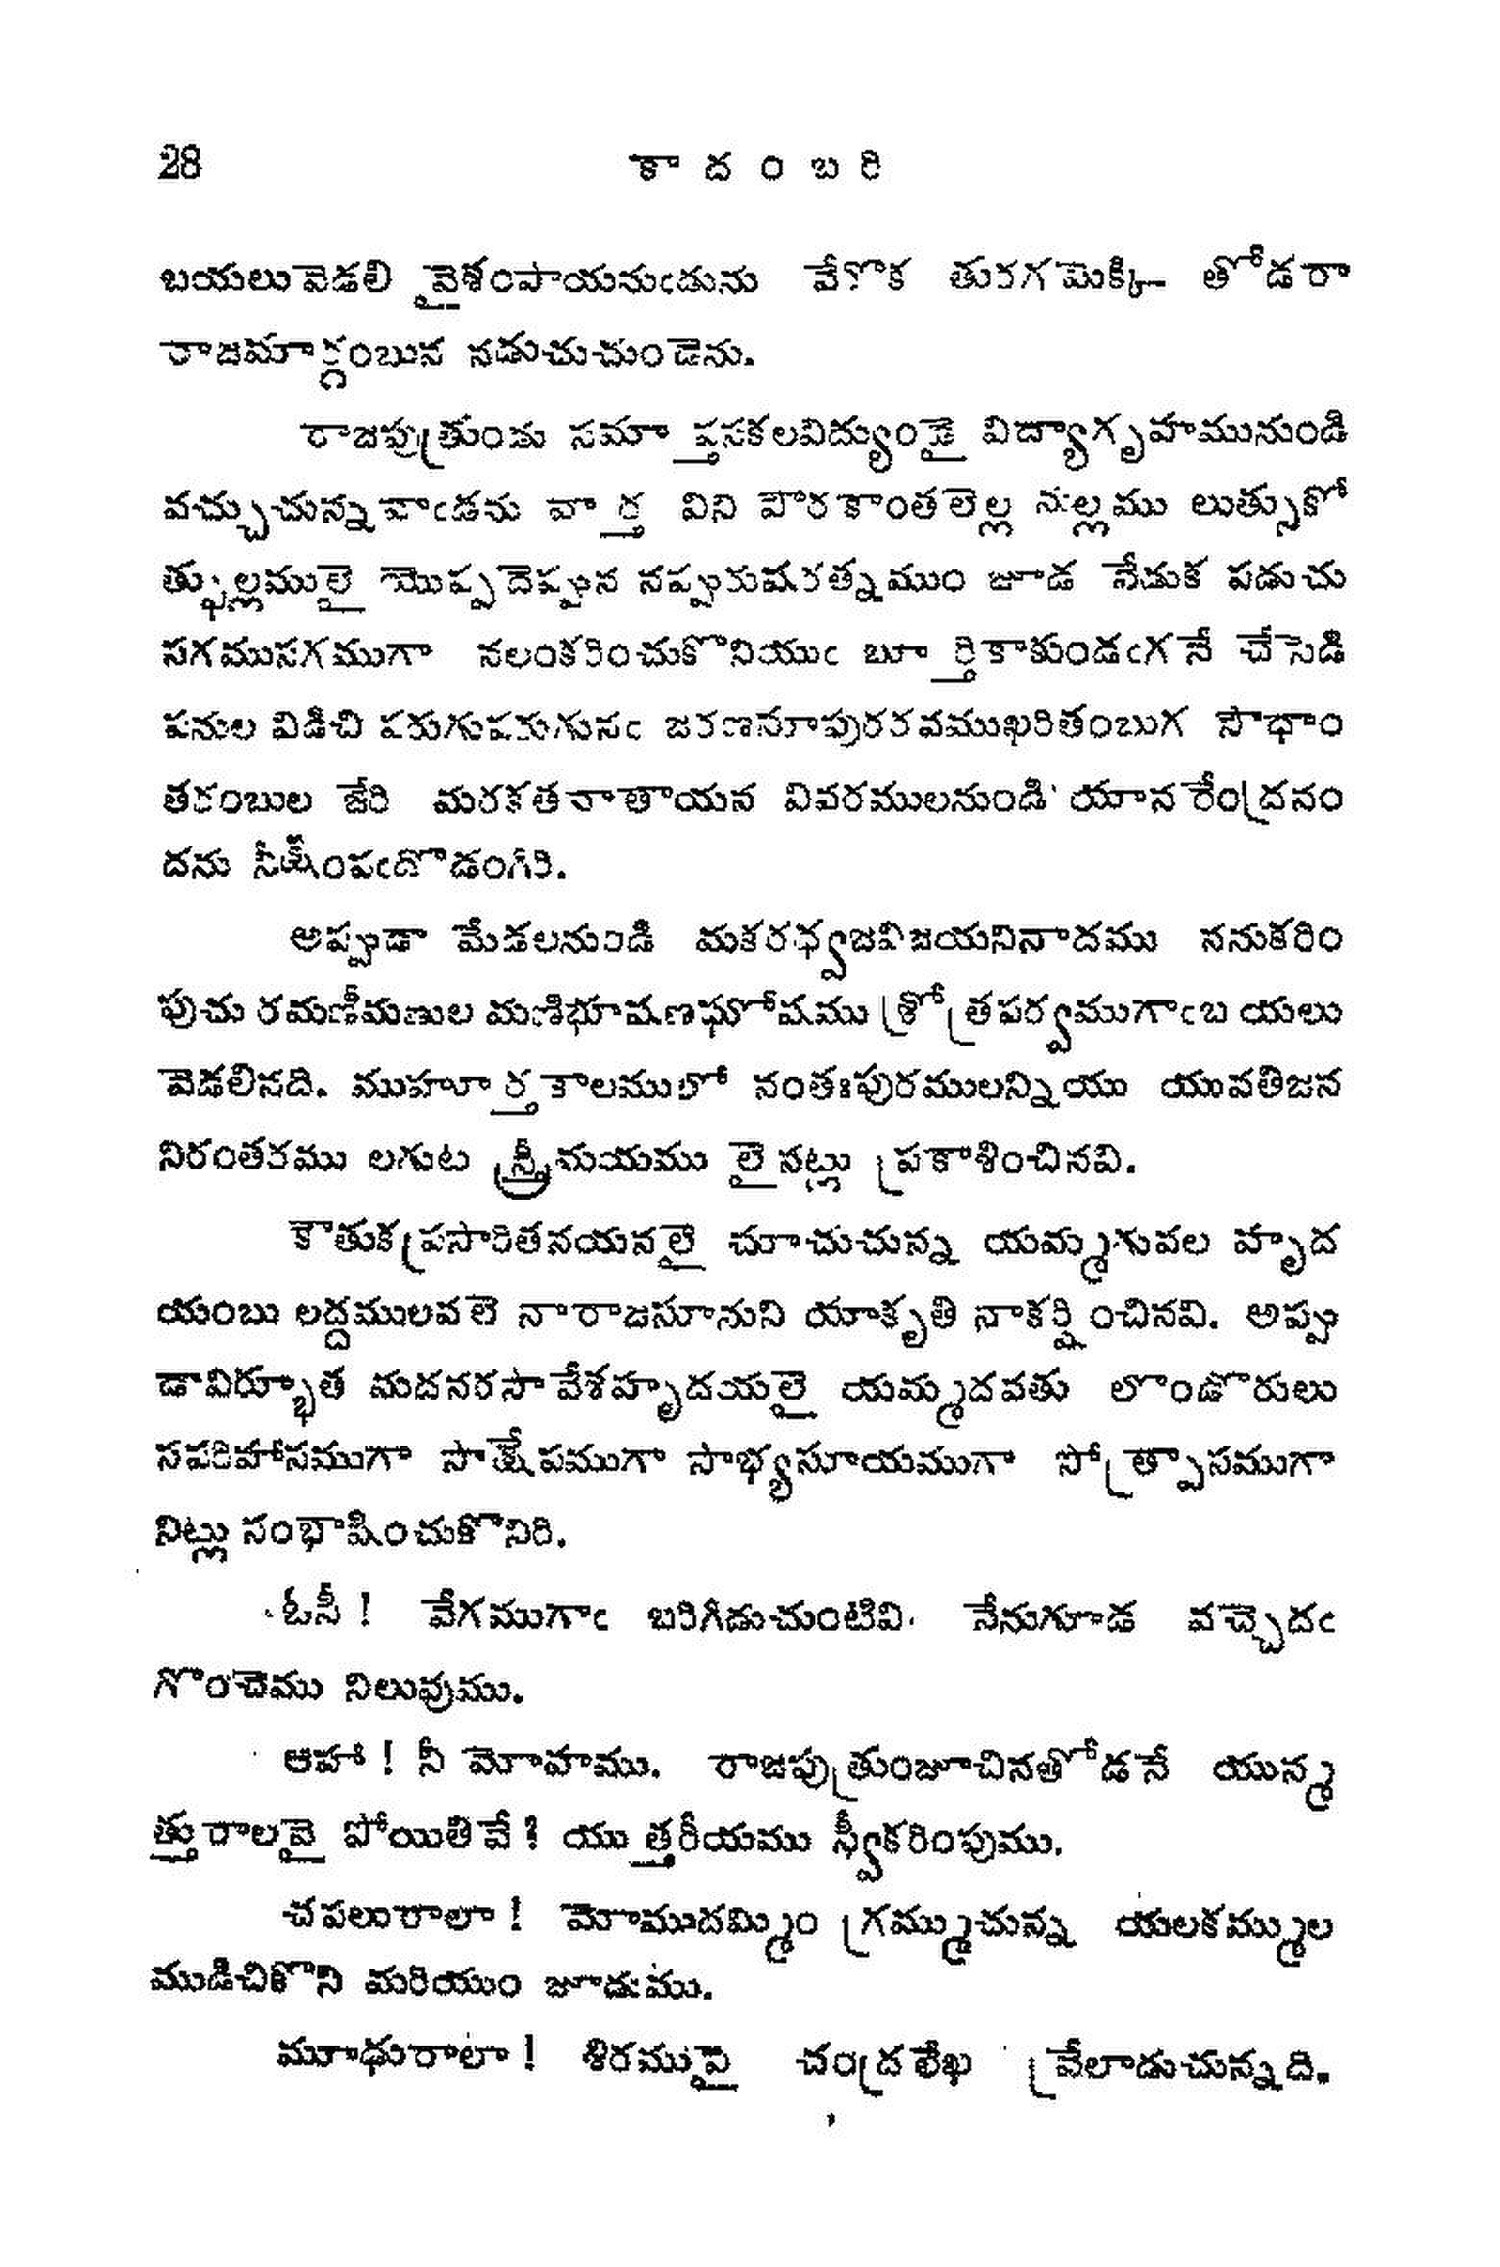బయలువెడలి వైశంపాయనుఁడును వేరొక తురగమెక్కి తోడరా రాజమార్గంబున నడుచుచుండెను.

రాజపుత్రుండు సమాప్తసకలవిద్యుండై విద్యాగృహమునుండి వచ్చుచున్నవాఁడను వార్త విని పౌరకాంతలెల్ల నుల్లము లుత్సుకోత్ఫుల్లములై యొప్పదెప్పున నప్పురుషరత్నముం జూడ వేడుక పడుచు సగముసగముగా నలంకరించుకొనియుఁ బూర్తికాకుండఁగనే చేసెడి పనుల విడిచి పరుగుపరుగునఁ జరణనూపురరవముఖరితంబుగ సౌధాం తరంబుల జేరి మరకతవాతాయన వివరములనుండి యానరేంద్రనందను నీక్షింపఁదొడంగిరి.

అప్పుడా మేడలనుండి మకరధ్వజవిజయనినాదము ననుకరింపుచు రమణీమణుల మణిభూషణఘోషము శ్రోత్రపర్వముగాఁబయలు వెడలినది. ముహూర్తకాలములో నంతఃపురములన్నియు యువతిజన నిరంతరము లగుట స్త్రీమయము లైనట్లు ప్రకాశించినవి.

కౌతుకప్రసారితనయనలై చూచుచున్న యమ్మగువల హృదయంబు లద్దములవలె నారాజసూనుని యాకృతి నాకర్షించినవి. అప్పు డావిర్భూత మదనరసావేశహృదయులై యమ్మదవతు లొండొరులు సపరిహాసముగా సాక్షేపముగా సాభ్యసూయముగా సోత్ప్రాసముగా నిట్లు సంభాషించుకొనిరి.

ఓసీ! వేగముగాఁ బరిగిడుచుంటివి. నేనుగూడ వచ్చెదఁ గొంచెము నిలువుము.

ఆహా! నీ మోహము. రాజపుత్రుంజూచినతోడనే యున్మత్తురాలవై పోయితివే? యుత్తరీయము స్వీకరింపుము.

చపలురాలా! మోముదమ్మిం గ్రమ్ముచున్న యలకమ్ముల ముడిచికొని మరియుం జూడుము.

మూఢురాలా! శిరముపై చంద్రలేఖ వ్రేలాడుచున్నది.